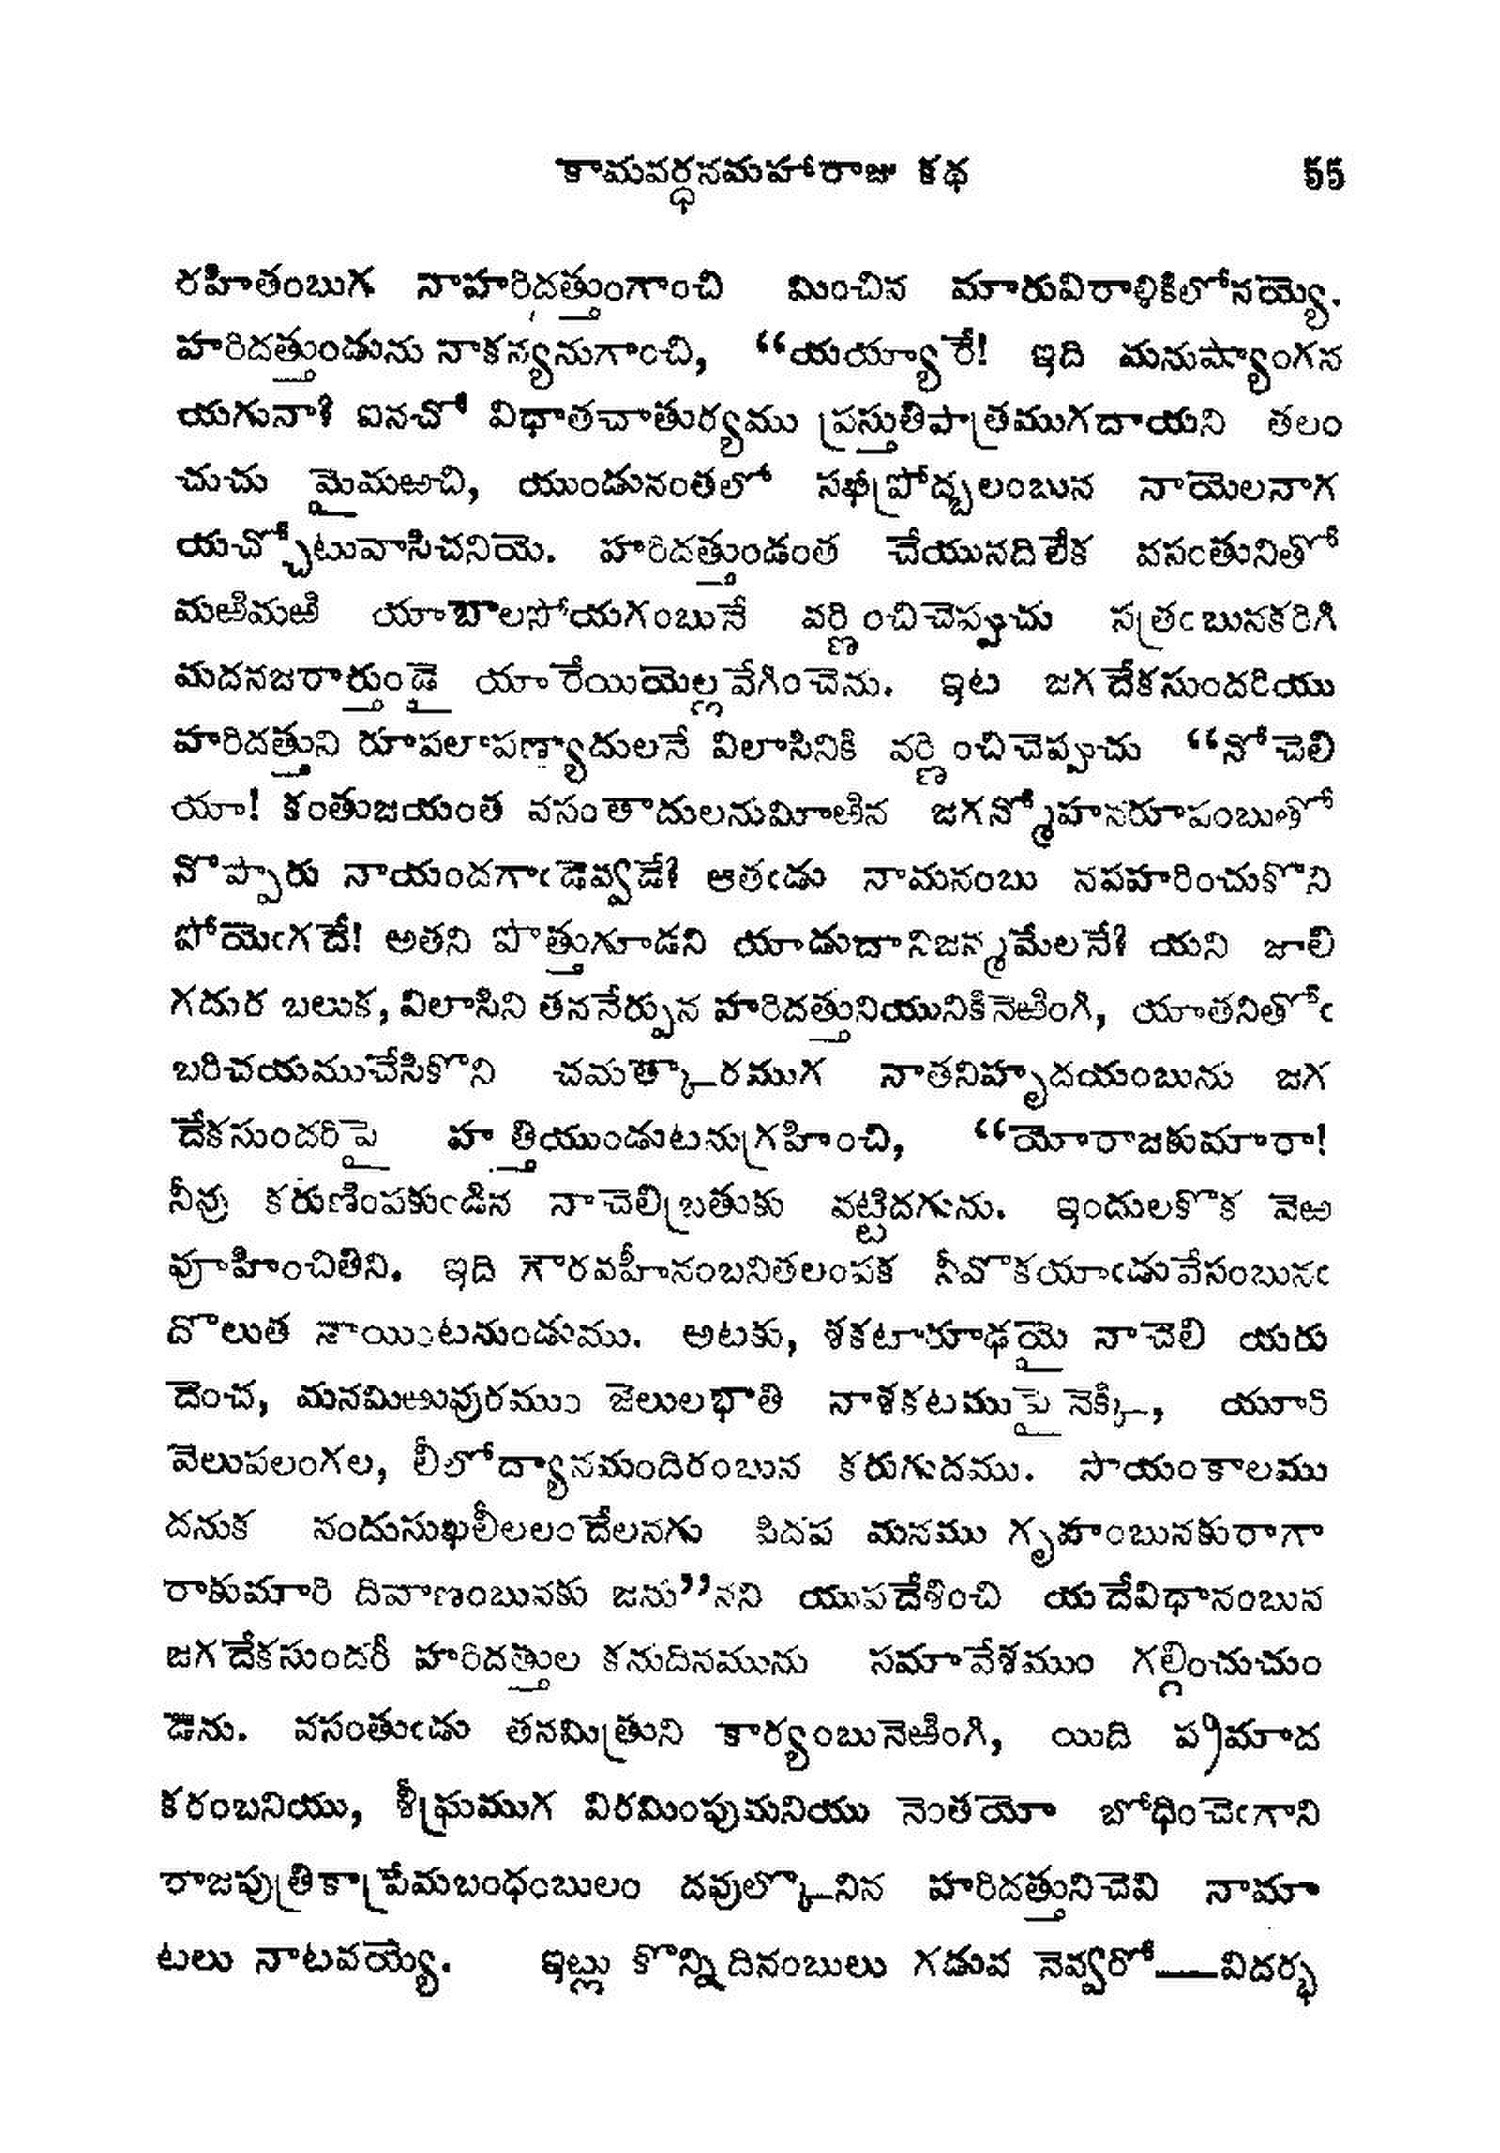రహితంబుగ నాహరిదత్తుంగాంచి మించిన మారువిరాళికి లోనయ్యె, హరిదత్తుండును నాకన్యనుగాంచి, “యయ్యారే! ఇది మనుహ్యంగన యగునా? ఐనచో విధాతచాతుర్యము ప్రస్తుతిపాత్రముగదాయని తలంచుచు మైమఱచి, యుండునంతలో సఖీప్రోద్బలంబున నాయెలనాగ యచ్చోటువాసిచనియె. హరిదత్తుండంత చేయునది లేక వసంతునితో మఱిమఱి యాబాలసోయగంబునే వర్ణించి చెప్పుచు సత్రఁబునకరిగి మదనజరార్తుండై యారేయియెల్ల వేగించెను. ఇట జగ దేక సుందరియు హరిదత్తుని రూపలావణ్యాదులనే విలాసినికి వర్ణించి చెప్పుచు "నో చెలియా! కంతుజయంత వసంతాదులను మీఱిన జగన్మోహనరూపంబుతో నొప్పారు నాయందగాఁ డెవ్వడే? ఆతఁడు నామనంబు నపహరించుకొని పోయెఁగదే! అతని పొత్తుగూడని యాడుదానిజన్మమేలనే? యని జాలి గదుర బలుక, విలాసిని తన నేర్పున హరిదత్తునియునికి నెఱింగి, యాతనితోఁ బరిచయముచేసికొని చమత్కారముగ నాతని హృదయంబును జగదేక సుందరిపై హత్తియుండుటనుగ్రహించి,
“యోరాజకుమారా! నీవు కరుణింపకుఁడిన నా చెలి బ్రతుకు వట్టిదగును. ఇందులకొక వెఱ వూహించితిని, ఇది గౌరవహీనంబనితలంపక నీవొకయాఁడు వేసంబునఁ దొలుత నాయింటనుండుము. అటకు, శకటారూఢయై నా చెలి యరు
దెంచ, మనమిణువురము జెలులభాతి నాశకటము పై నెక్కి, యూరి వెలుపలంగల, లీలోద్యానమందిరంబున కరుగుదము. సాయంకాలము దనుక నందుసుఖలీలలం దేలనగు పిదప మనము గృహంబునకు రాగా రాకుమారి దివాణంబునకు జను"నని యుపదేశించి యదేవిధానంబున జగదేక సుందరీ హరిదత్తుల కనుదినమును సమావేశముం గల్గించుచుండెను. వసంతుఁడు తనమిత్రుని కార్యంబు నెఱింగి, యిది ప్రమాద కరంబనియు, శీఘ్రముగ విరమింపుమనియు నెంతయో బోధించెఁగాని
రాజపుత్రికా ప్రేమ బంధంబులం దవుల్కొనిన హరీదత్తుని చెవి నామాటలు నాటవయ్యే. ఇట్లు కొన్ని దినంబులు గడువ నెవ్వరో—— విదర్భ